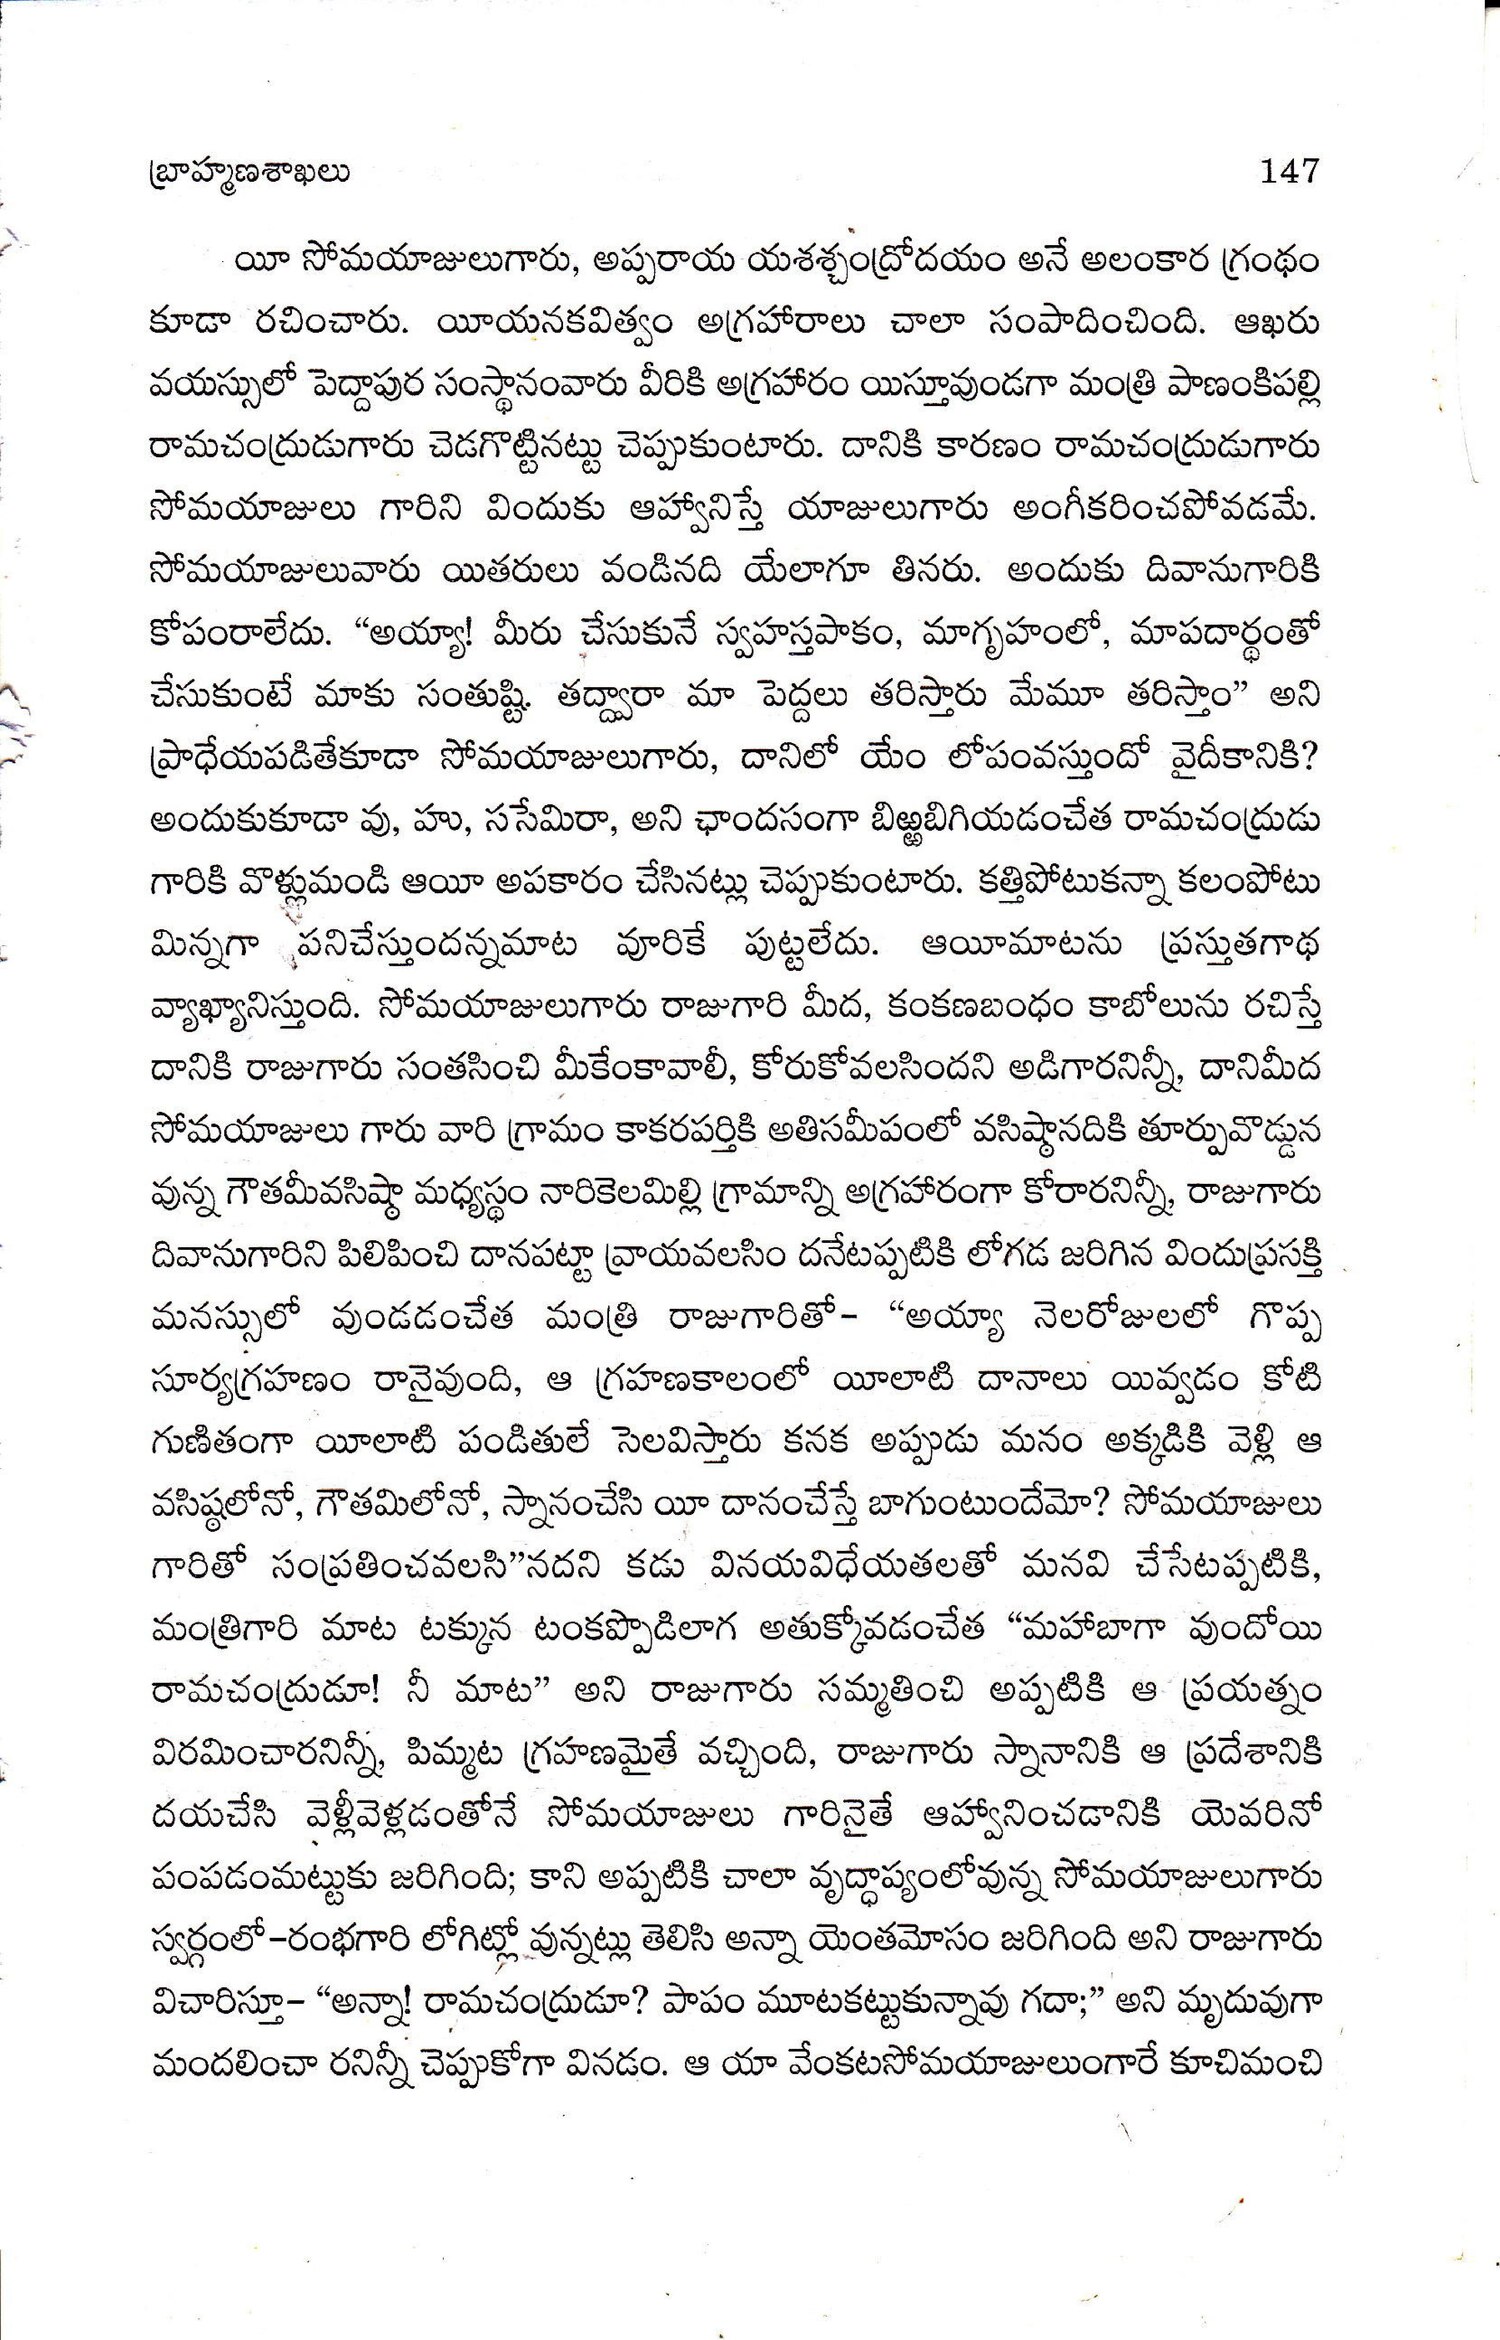యీ సోమయాజులుగారు, అప్పరాయ యశశ్చంద్రోదయం అనే అలంకార గ్రంథం కూడా రచించారు. యీయనకవిత్వం అగ్రహారాలు చాలా సంపాదించింది. ఆఖరు వయస్సులో పెద్దాపుర సంస్థానంవారు వీరికి అగ్రహారం యిస్తూవుండగా మంత్రి పాణంకిపల్లి రామచంద్రుడుగారు చెడగొట్టినట్టు చెప్పుకుంటారు. దానికి కారణం రామచంద్రుడుగారు సోమయాజులు గారిని విందుకు ఆహ్వానిస్తే యాజులుగారు అంగీకరించపోవడమే. సోమయాజులువారు యితరులు వండినది యేలాగూ తినరు. అందుకు దివానుగారికి కోపంరాలేదు. "అయ్యా! మీరు చేసుకునే స్వహస్తపాకం, మాగృహంలో, మాపదార్థంతో చేసుకుంటే మాకు సంతుష్టి. తద్ద్వారా మా పెద్దలు తరిస్తారు మేమూ తరిస్తాం” అని ప్రాధేయపడితేకూడా సోమయాజులుగారు, దానిలో యేం లోపంవస్తుందో వైదీకానికి? అందుకుకూడా వు, హు, ససేమిరా, అని ఛాందసంగా బిఱ్ఱబిగియడంచేత రామచంద్రుడు గారికి వొళ్లుమండి ఆయీ అపకారం చేసినట్లు చెప్పకుంటారు. కత్తిపోటుకన్నా కలంపోటు మిన్నగా పనిచేస్తుందన్నమాట వూరికే పుట్టలేదు. ఆయీమాటను ప్రస్తుతగాథ వ్యాఖ్యానిస్తుంది. సోమయాజులుగారు రాజుగారి మీద, కంకణబంధం కాబోలును రచిస్తే దానికి రాజుగారు సంతసించి మీకేంకావాలీ, కోరుకోవలసిందని అడిగారనిన్నీ దానిమీద సోమయాజులు గారు వారి గ్రామం కాకరపర్తికి అతిసమీపంలో వసిష్ఠానదికి తూర్పువొడ్డున వున్న గౌతమీవసిష్ఠా మధ్యస్థం నారికెలమిల్లి గ్రామాన్ని అగ్రహారంగా కోరారనిన్నీ రాజుగారు దివానుగారిని పిలిపించి దానపట్టా వ్రాయవలసిందనేటప్పటికి లోగడ జరిగిన విందుప్రసక్తి మనస్సులో వుండడంచేత మంత్రి రాజుగారితో- "అయ్యా నెలరోజులలో గొప్ప సూర్యగ్రహణం రానైవుంది, ఆ గ్రహణకాలంలో యీలాటి దానాలు యివ్వడం కోటి గుణితంగా యీలాటి పండితులే సెలవిస్తారు కనక అప్పుడు మనం అక్కడికి వెళ్లి ఆ వసిష్ఠలోనో, గౌతమిలోనో, స్నానంచేసి యీ దానంచేస్తే బాగుంటుందేమో? సోమయాజులు గారితో సంప్రతించవలసి"నదని కడు వినయవిధేయతలతో మనవి చేసేటప్పటికి, మంత్రిగారి మాట టక్కున టంకప్పొడిలాగ అతుక్కోవడంచేత “మహాబాగా వుందోయి రామచంద్రుడూ! నీ మాట” అని రాజుగారు సమ్మతించి అప్పటికి ఆ ప్రయత్నం విరమించారనిన్నీ పిమ్మట గ్రహణమైతే వచ్చింది, రాజుగారు స్నానానికి ఆ ప్రదేశానికి దయచేసి వెళ్లీవెళ్లడంతోనే సోమయాజులు గారినైతే ఆహ్వానించడానికి యెవరినో పంపడంమట్టుకు జరిగింది; కాని అప్పటికి చాలా వృద్ధాప్యంలోవున్న సోమయాజులుగారు స్వర్గంలో-రంభగారి లోగిట్లో వున్నట్లు తెలిసి అన్నా యెంతమోసం జరిగింది అని రాజుగారు విచారిస్తూ- “అన్నా! రామచంద్రుడూ? పాపం మూటకట్టుకున్నావు గదా;" అని మృదువుగా - మందలించా రనిన్నీ చెప్పకోగా వినడం. ఆ యా వేంకటసోమయాజులుంగారే కూచిమంచి